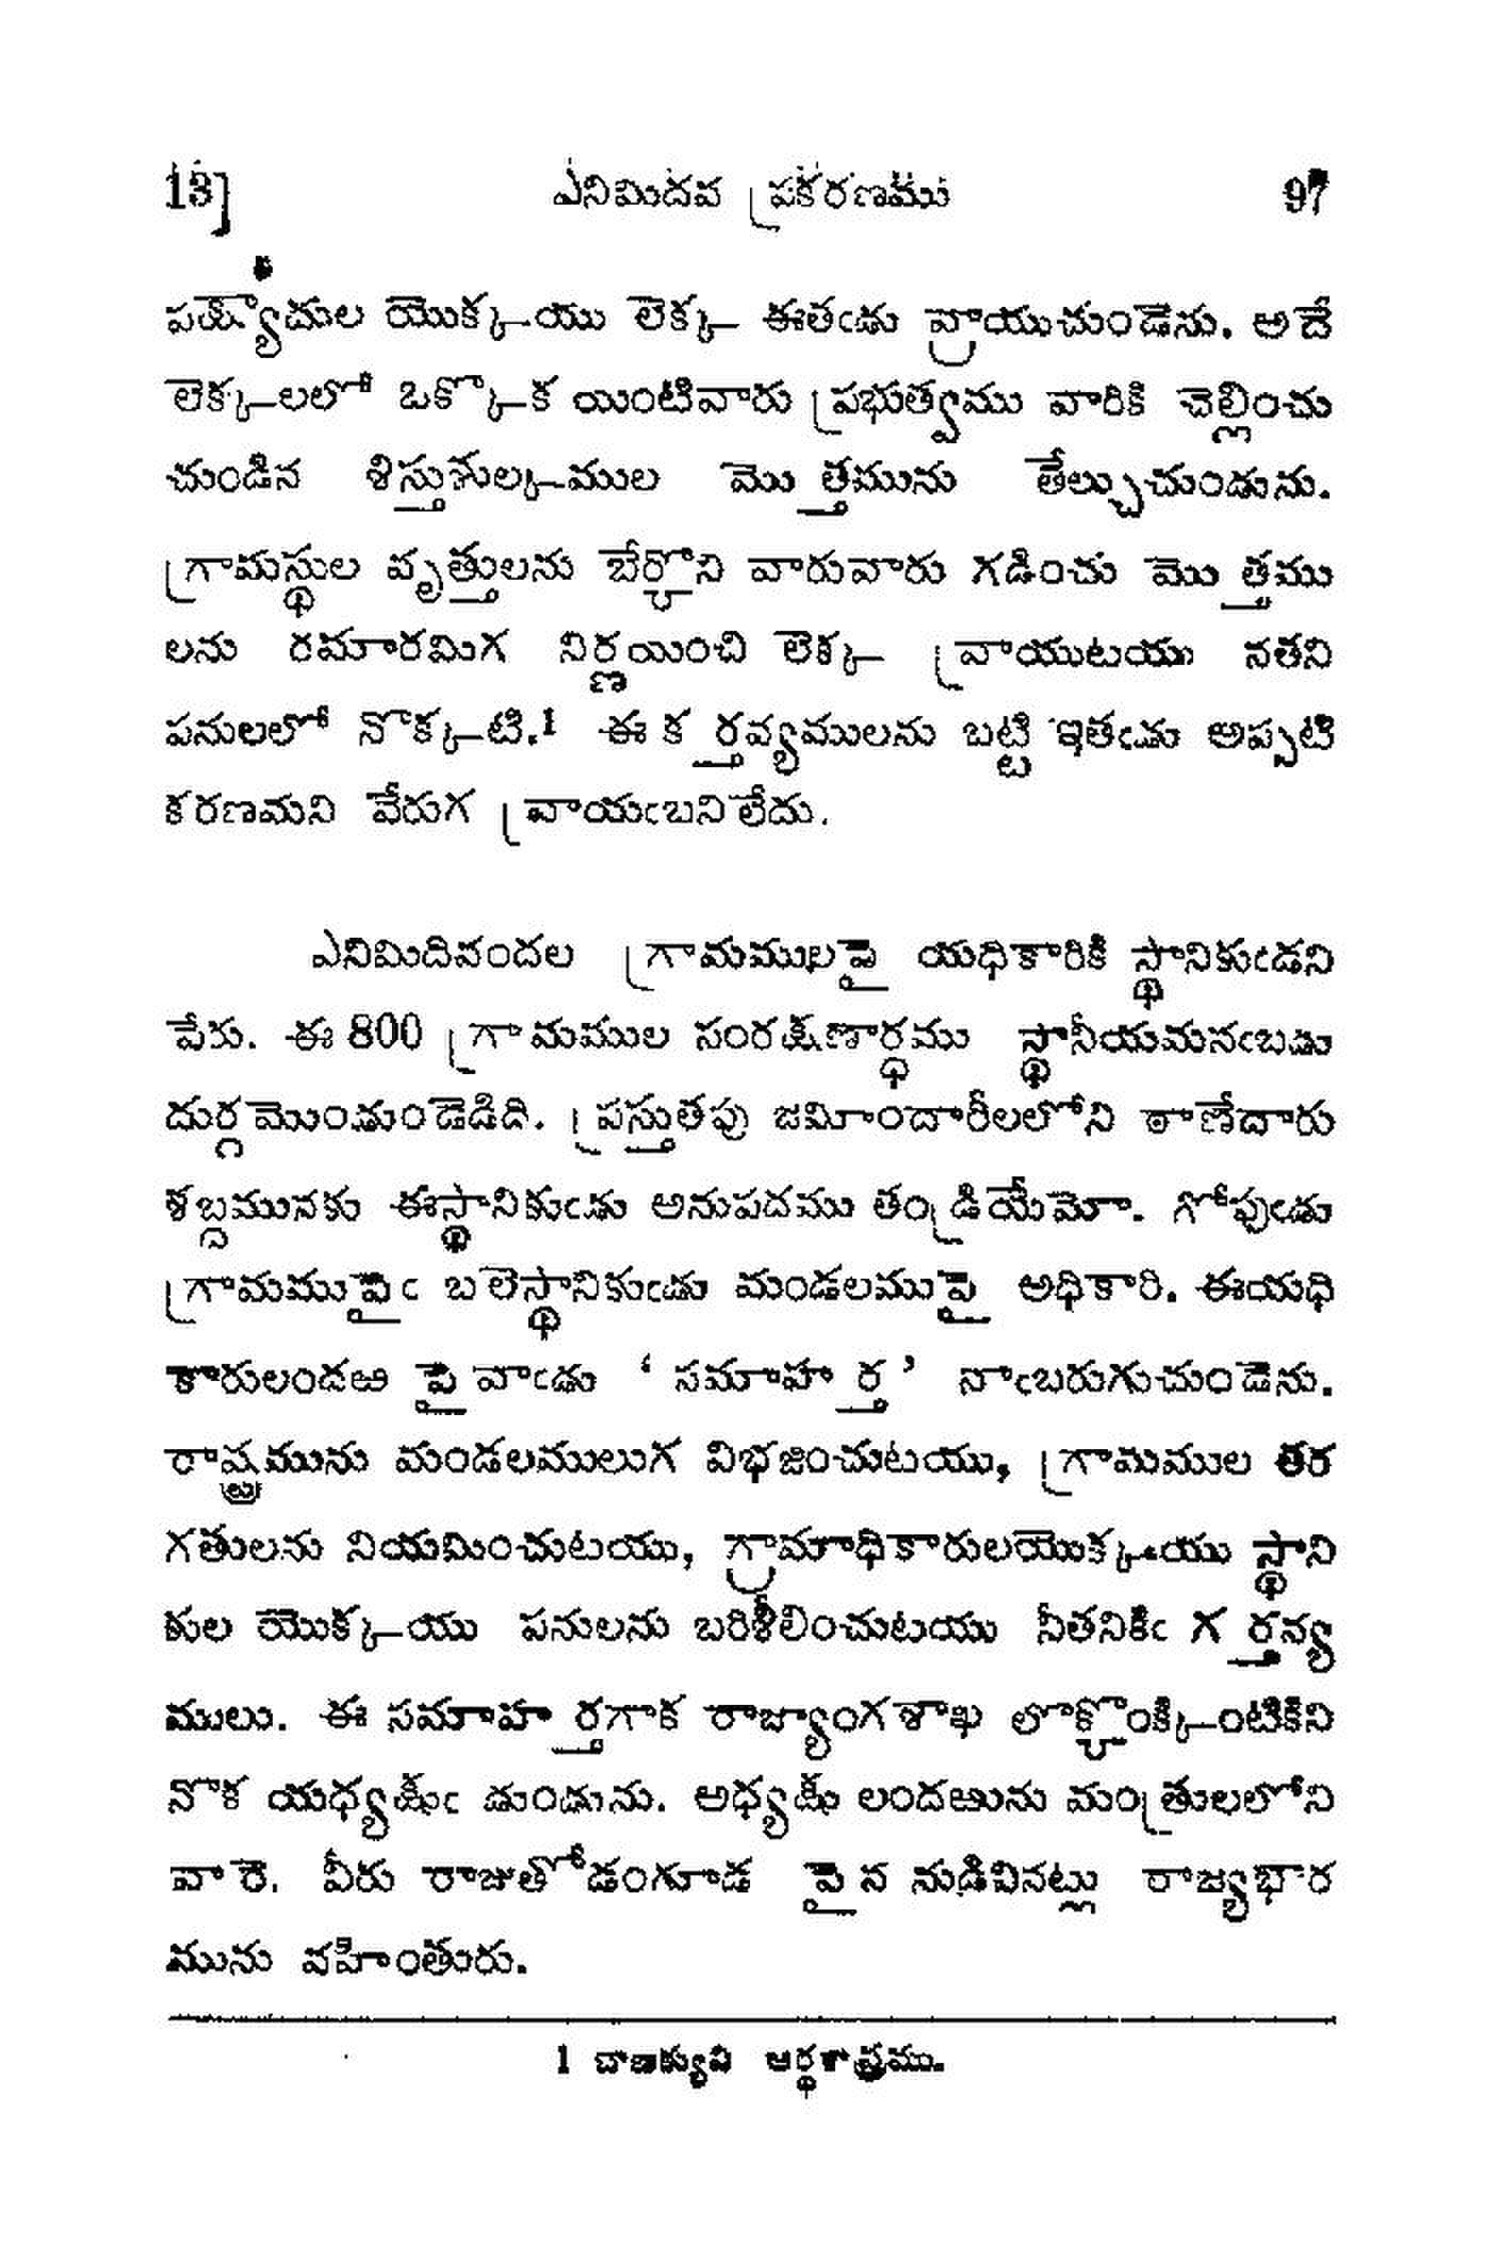పక్ష్యాదుల యొక్కయు లెక్క ఈతఁడు వ్రాయుచుండెను. అదే లెక్కలలో ఒక్కొక యింటివారు ప్రభుత్వము వారికి చెల్లించు చుండిన శిస్తుశుల్కముల మొత్తమును తేల్చుచుండును. గ్రామస్థుల వృత్తులను బేర్కొని వారువారు గడించు మొత్తములను రమారమిగ నిర్ణయించి లెక్క వ్రాయుటయు నతని పనులలో నొక్కటి.1 ఈ కర్తవ్యములను బట్టి ఇతఁడు అప్పటి కరణమని వేరుగ వ్రాయఁబనిలేదు.

ఎనిమిదివందల గ్రామములపై యధికారికి స్థానికుఁడని పేరు. ఈ 800 గ్రామముల సంరక్షణార్ధము స్థానీయమనఁబడు దుర్గమొండుండెడిది. ప్రస్తుతపు జమిందారీలలోని ఠాణేదారు శబ్దమునకు ఈస్థానికుఁడు అనుపదము తండ్రియేమో. గోపుఁడు గ్రామముపైఁ బలెస్థానికుఁడు మండలముపై అధికారి. ఈయధికారులందఱ పై వాఁడు 'సమాహర్త' నాఁబరుగుచుండెను. రాష్ట్రమును మండలములుగ విభజించుటయు, గ్రామముల తరగతులను నియమించుటయు, గ్రామాధికారులయొక్కయు స్థానికుల యొక్కయు పనులను బరిశీలించుటయు నీతనికిఁ గర్తవ్యములు. ఈ సమాహర్తగాక రాజ్యాంగశాఖ లొక్కొంక్కింటికిని నొక యధ్యక్షుఁ డుండును. అధ్యక్షు లందఱును మంత్రులలోని వారె. వీరు రాజుతోడంగూడ పైన నుడివినట్లు రాజ్యభారమును వహింతురు.